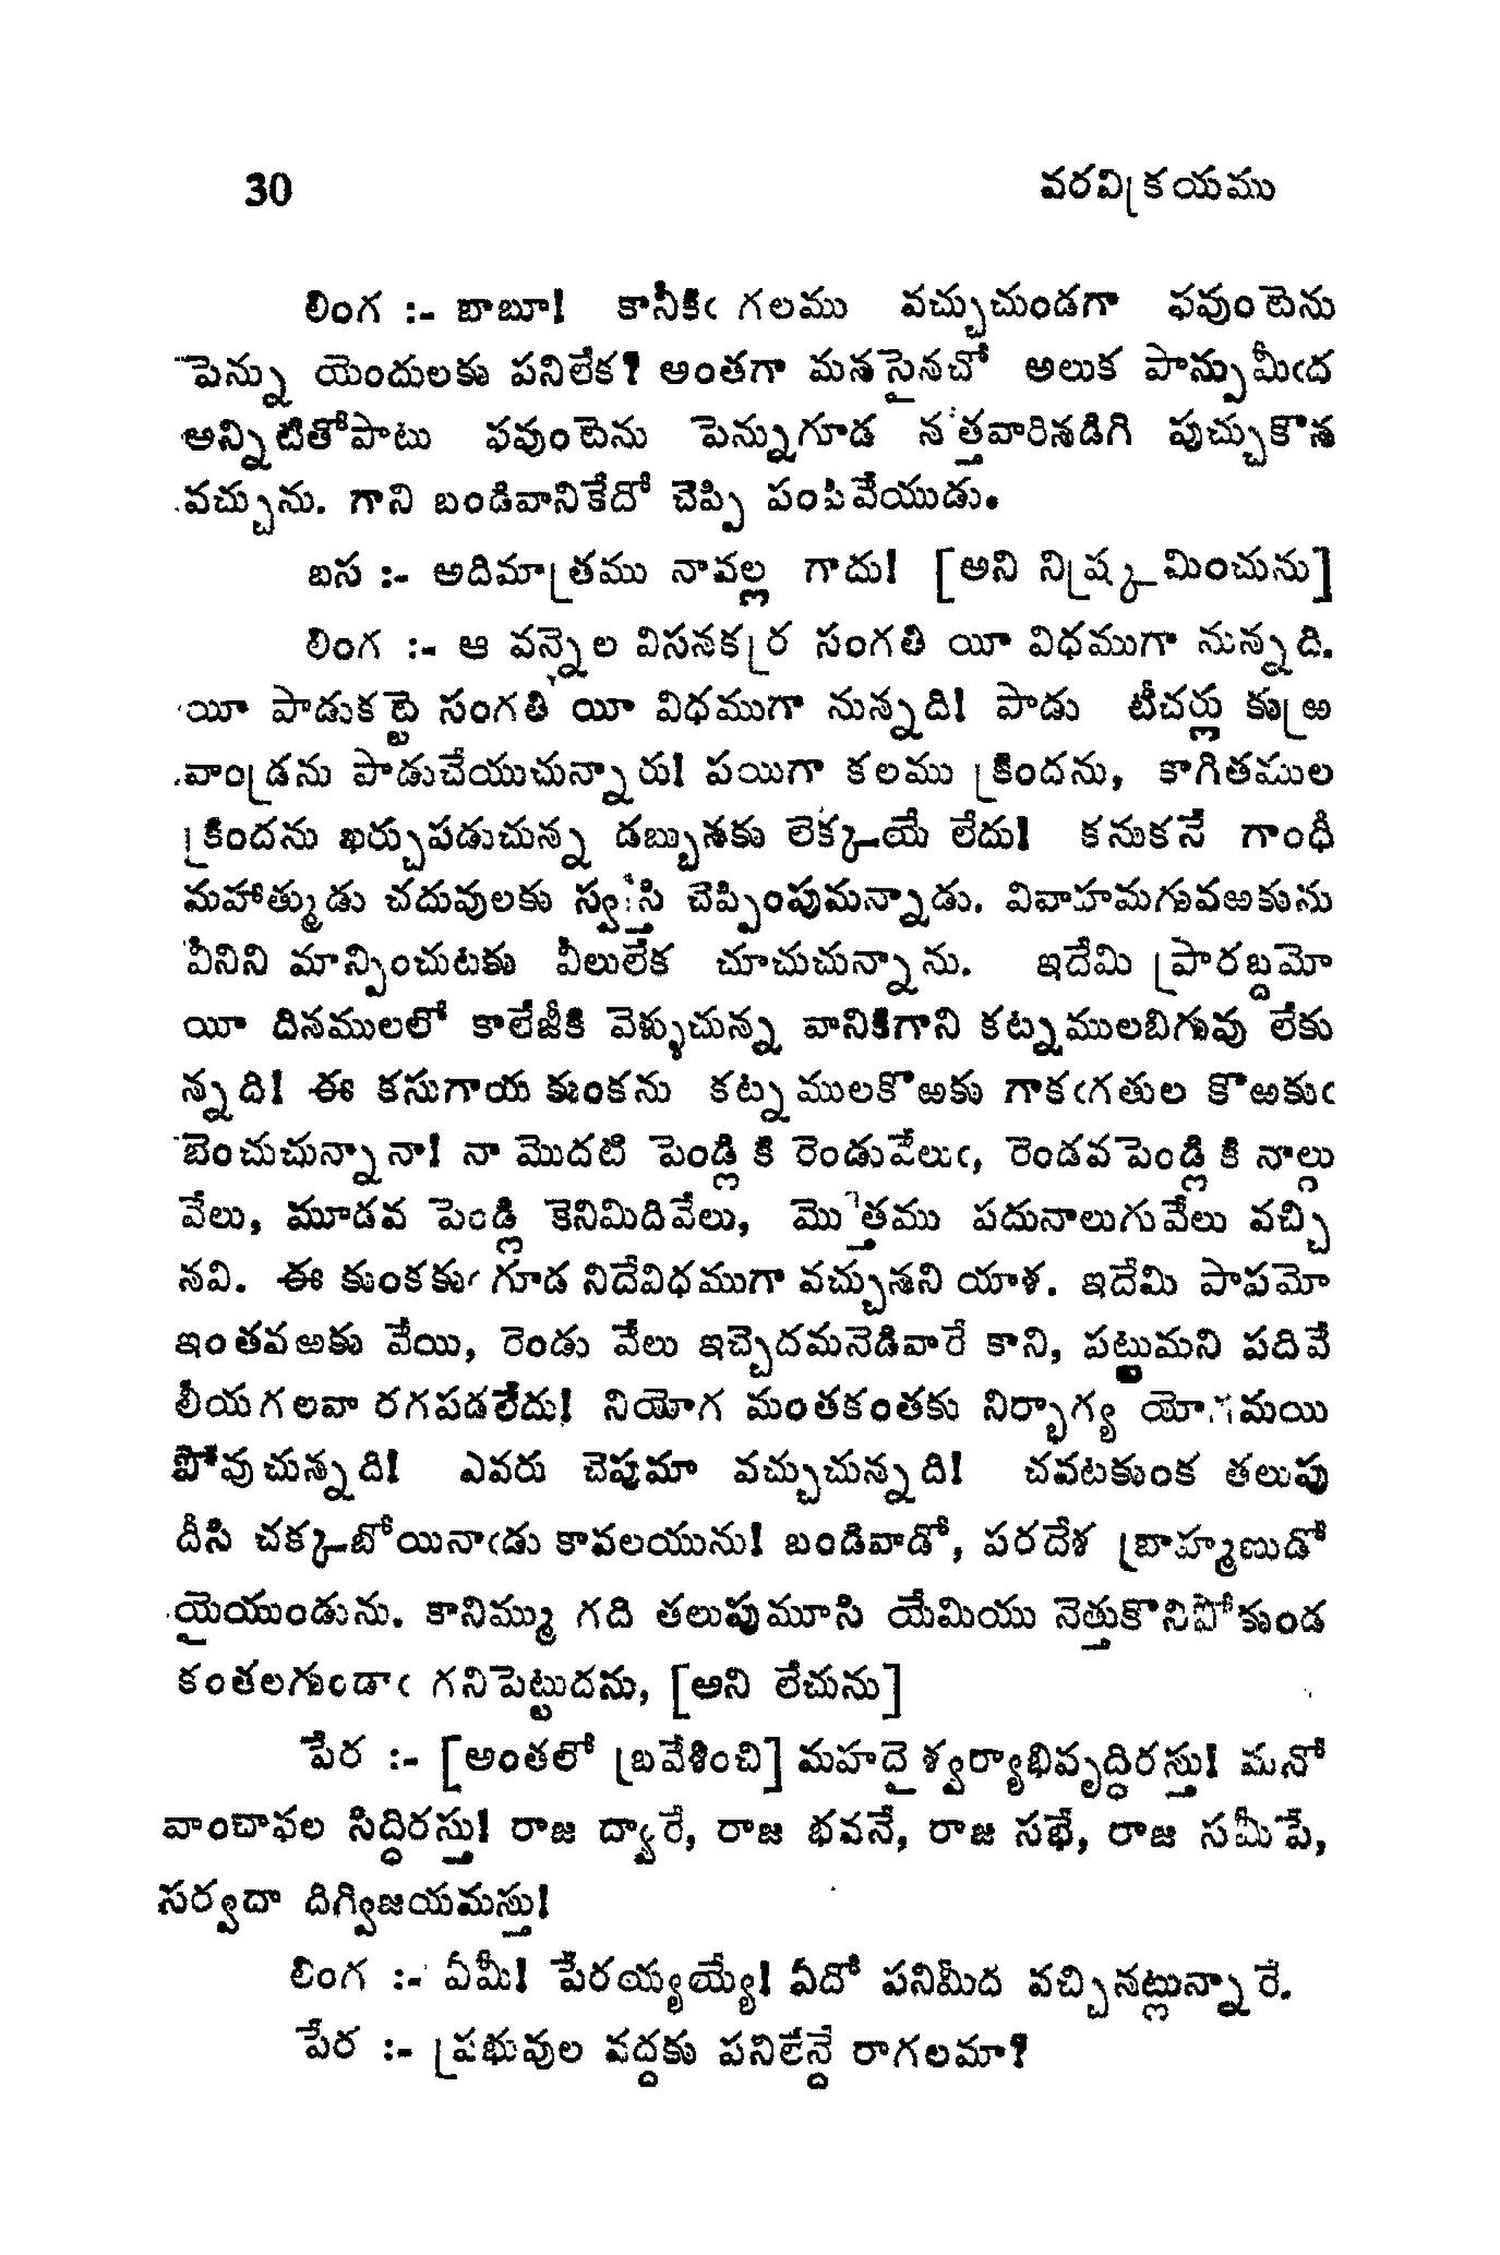లింగ :- బాబూ! కానీకిఁ గలము వచ్చుచుండఁగా ఫవుంటెను పెన్ను యెందులకు పనిలేక? అంతగా మనసైనచో అలుక పాన్పుమీఁద అన్నిటితోపాటు ఫవుంటెను పెన్నుగూడ నత్తవారినడిగి పుచ్చుకొనవచ్చును. గాని బండివానికేదో చెప్పి పంపివేయుడు.

బస :- అదిమాత్రము నావల్ల గాదు! (అని నిష్క్రమించును.)

లింగ :- ఆ వన్నెల విసనకర్ర సంగతి యీ విధముగా నున్నది. యీ పాడుకట్టె సంగతి యీవిధముగా నున్నది! పాడు టీచర్లు కుఱ్ఱవాండ్రను పాడుచేయుచున్నారు! పయిగా కలము క్రిందను, కాగితముల క్రిందను ఖర్చుపడుచున్న డబ్బునకు లెక్కయే లేదు! కనుకనే గాంధీమహాత్ముఁడు చదువులకు స్వస్తి చెప్పింపుమన్నాడు. వివాహమగువఱకును వీనిని మాన్పించుటకు వీలులేక చూచుచున్నాను. ఇదేమి ప్రారబ్ధమో యీ దినములలో కాలేజికి వెళ్ళుచున్న వానికిగాని కట్నములబిగువు లేకున్నది! ఈ కసుగాయ కుంకను కట్నములకొఱకు గాకఁగతుల కొఱకుఁ బెంచుచున్నానా! నా మొదటిపెండ్లికి రెండువేలుఁ, రెండవపెండ్లికి నాల్గువేలు, మూడవ పెండ్లి కెనిమిదివేలు మొత్తము పదునాలుగువేలు వచ్చినవి. ఈ కుంకకుఁ గూడ నిదేవిధముగా వచ్చునని యాశ. ఇదేమి పాపమో ఇంతవఱకు వేయి, రెండువేలు ఇచ్చెదమనెడివారే కాని పట్టుమని పదివేలీయఁగలవా రగపడలేదు! నియోగ మంతకంతకు నిర్భాగ్య యోగమయి పోవుచున్నది! ఎవరు చెపుమా వచ్చుచున్నది! చవటకుంక, తలుపుతీసి చక్కబోయినాఁడు కావలయును! బండివాడో పరదేశ బ్రాహ్మణుడో యైయుండును! కానిమ్ము గది తలుపుమూసి, యేమియు నెత్తుకొనిపోకుండ, కంతలగుండాఁ గనిపెట్టెదను. (అని లేచును.)

పేర :- (అంతలో బ్రవేశించి) మహదైశ్వర్యాభివృద్ధిరస్తు! మనోవాంఛాఫల సిద్ధిరస్తు! రాజ ద్వారే, రాజ భవనే, రాజ సభే, రాజ సమీపే, సర్వదా దిగ్విజయమస్తు!

లింగ :- ఏమీ! పేరయ్యయే! ఏదో పనిమీద వచ్చినట్లున్నారే?

పేర :- ప్రభువుల వద్దకు పనిలేన్దే రాగలమా?